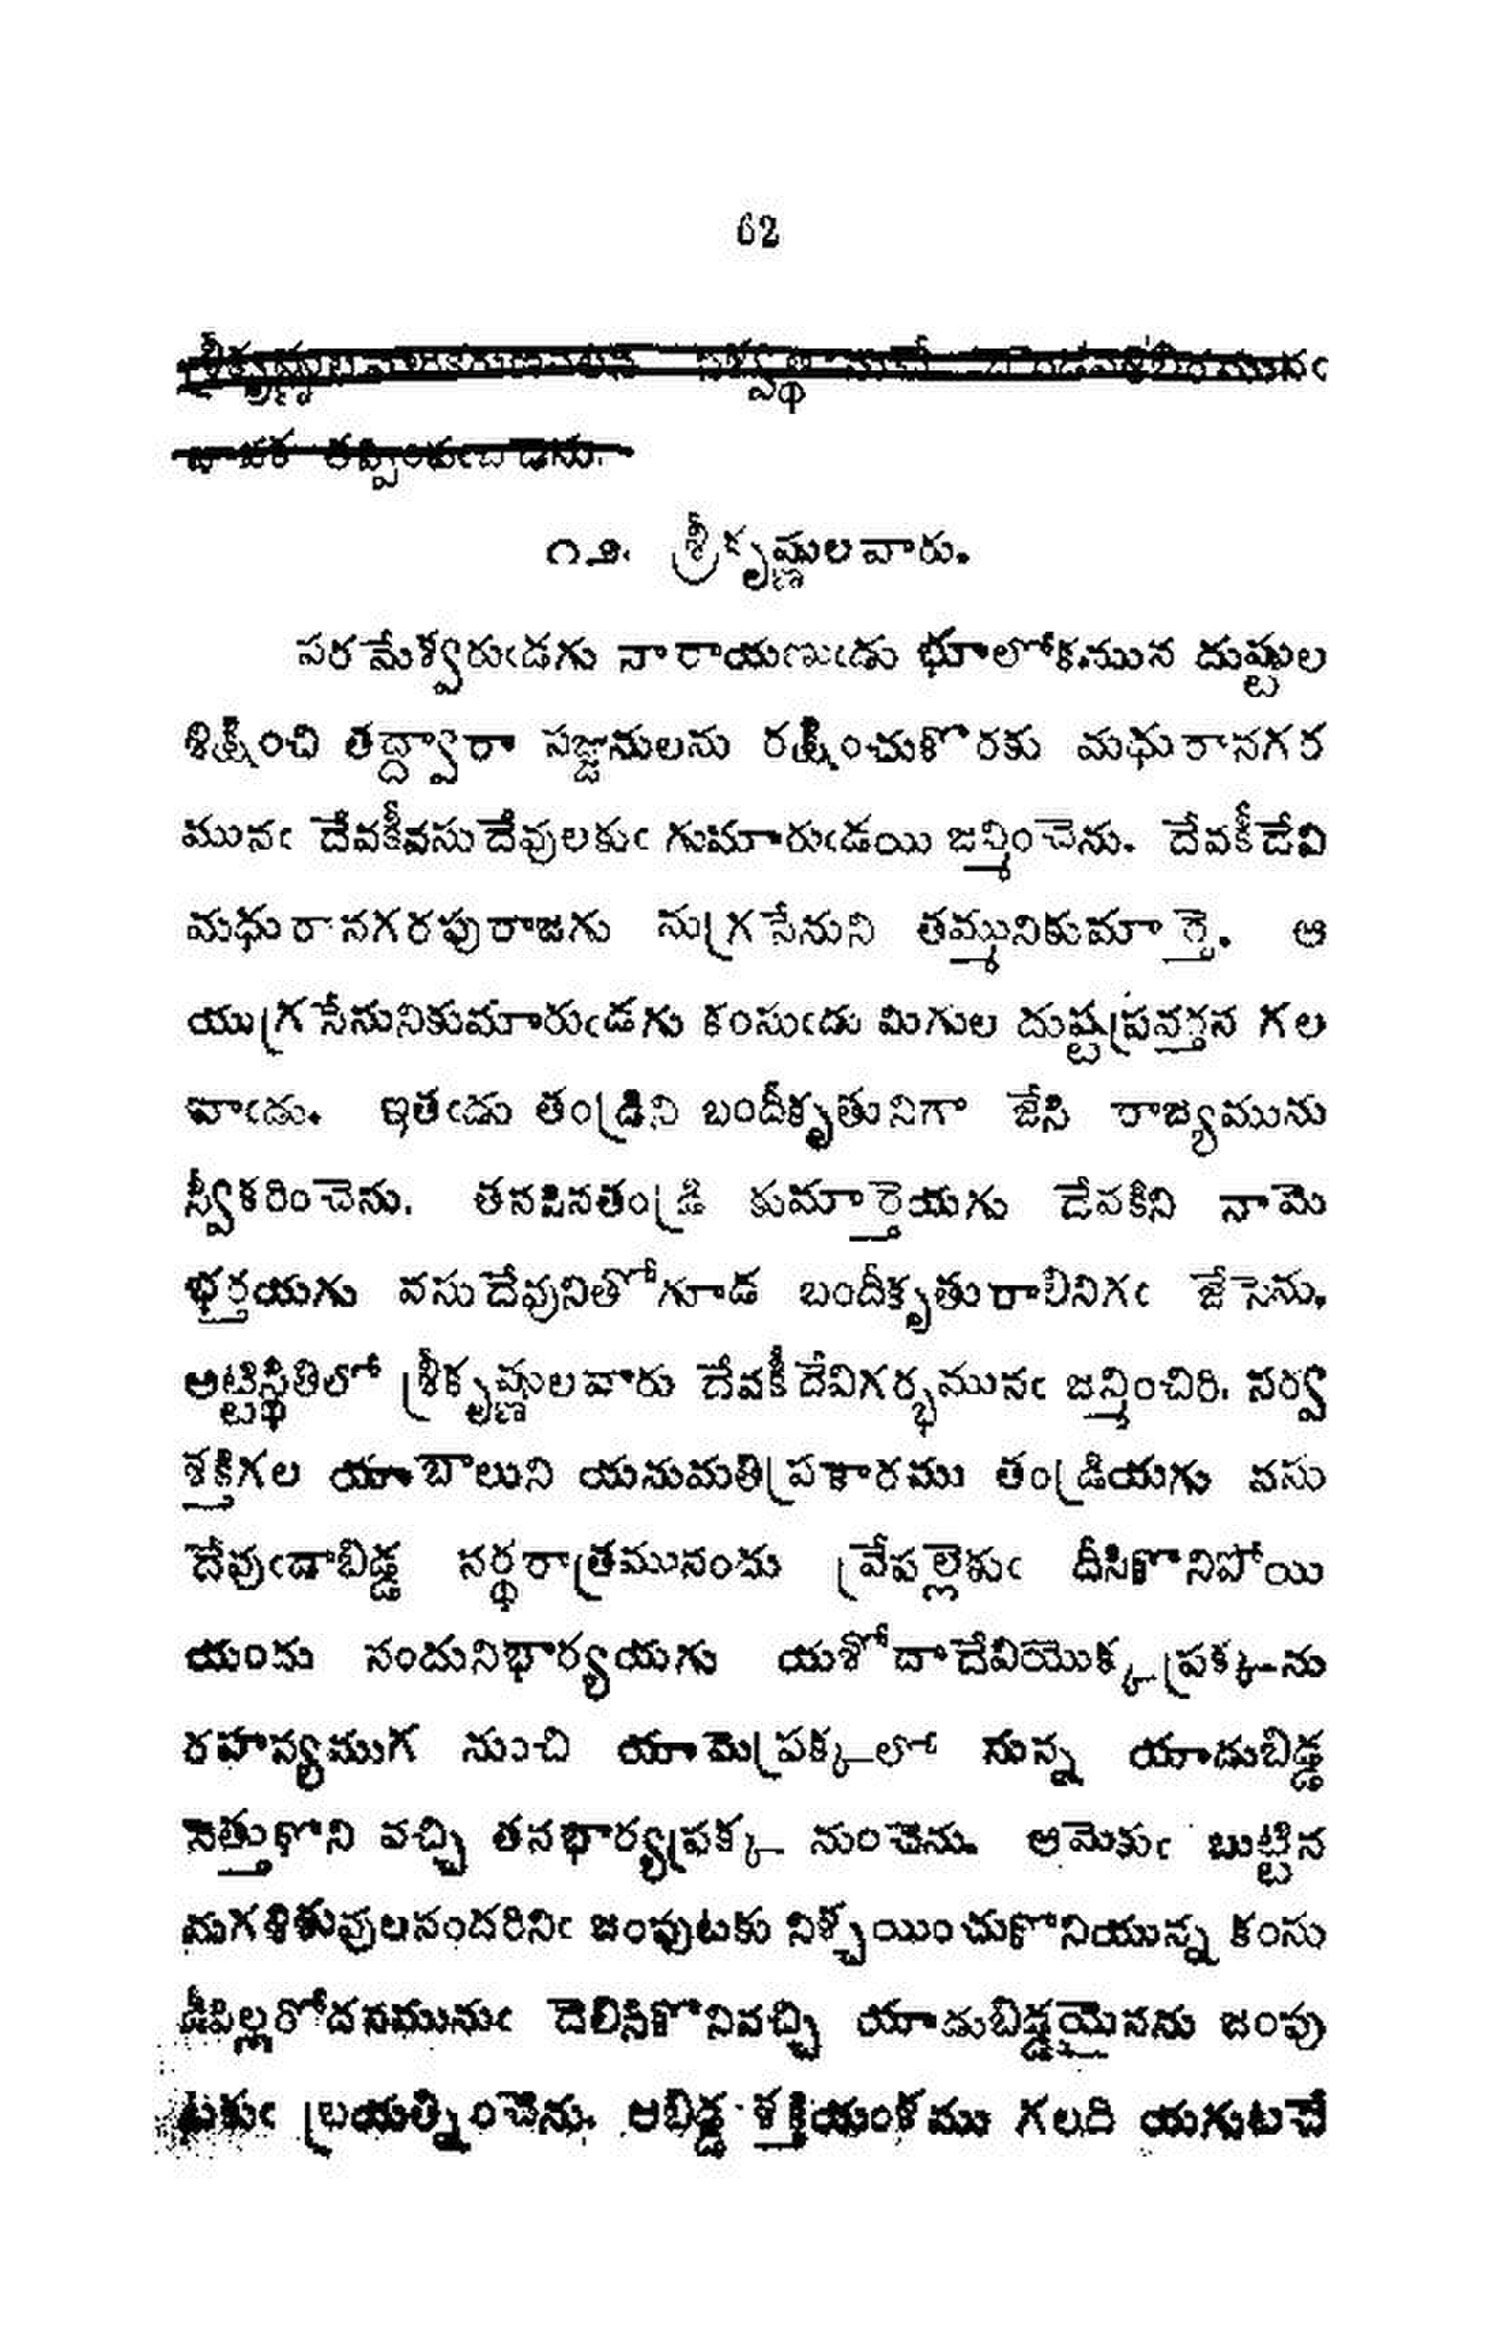పరమేశ్వరుఁడగు నారాయణుఁడు భూలోకమున దుష్టుల శిక్షించి తద్ద్వారా సజ్జనులను రక్షించుకొరకు మధురానగరమునఁ దేవకీవసుదేవులకుఁ గుమారుఁడయి జన్మించెను. దేవకీదేవి మధురానగరపు రాజగు నుగ్రసేనుని తమ్మునికుమార్తె. ఆ యుగ్రసేనునికుమారుఁడగు కంసుఁడు మిగుల దుష్టప్రవర్తన గలవాఁడు. ఇతఁడు తండ్రిని బందీకృతునిగా జేసి రాజ్యమును స్వీకరించెను. తనపినతండ్రి కుమార్తెయగు దేవకిని నామె భర్తయగు వసుదేవునితోగూడ బందీకృతురాలినిగఁ జేసెను. అట్టిస్థితిలో శ్రీకృష్ణులవారు దేవకీదేవిగర్భమునఁ జన్మించిరి. సర్వశక్తిగల యాబాలుని యనుమతిప్రకారము తండ్రియగు వసుదేవుఁడాబిడ్డ నర్థరాత్రమునందు వ్రేపల్లెకుఁ దీసికొనిపోయి యందు నందునిభార్యయగు యశోదాదేవియొక్క ప్రక్కను రహస్యముగ నుంచి యామెప్రక్కలో నున్న యాడుబిడ్డ
నెత్తుకొని వచ్చి తనభార్యప్రక్క నుంచెను. ఆమెకుఁ బుట్టిన మగశిశువులనందరినిఁ జంపుటకు నిశ్చయించుకొనియున్న కంసుడీపిల్ల రోదనమునుఁ దెలిసికొనివచ్చి యాడుబిడ్డయైనను జంపుటకుఁ బ్రయత్నించెను. ఆబిడ్డ శక్తియంశము గలది యగుటచే